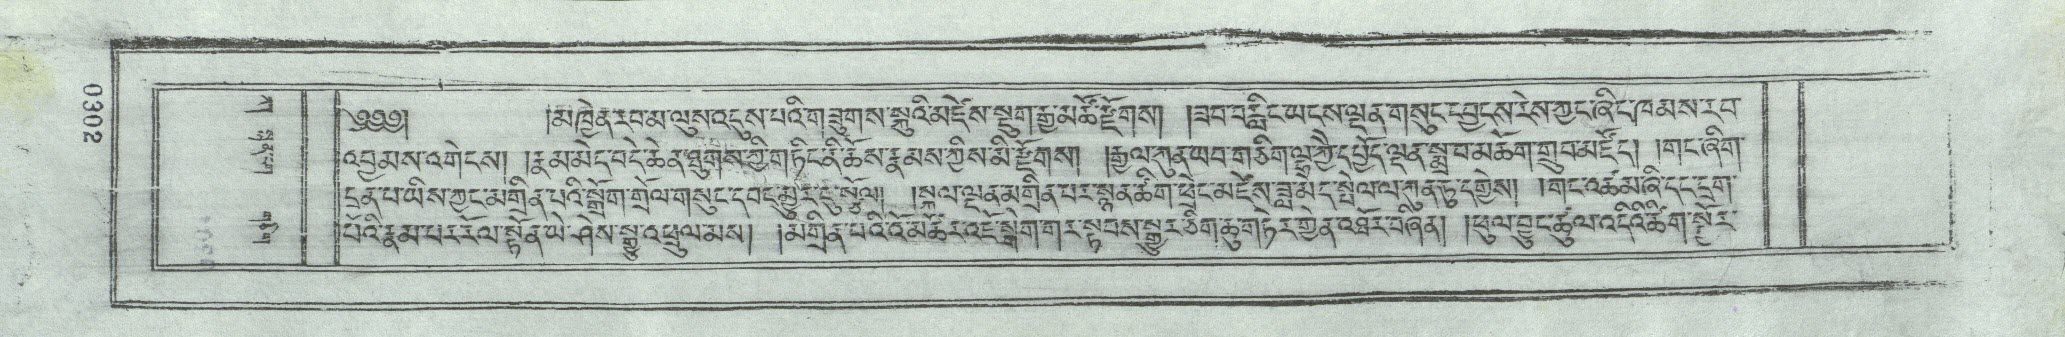༄༅༅། །མཁྱེན་རབ་མ་ལུས་འདུས་པའི་གཟུགས་སྐུའི་མཛེས་སྡུག་རྒྱ་མཚོ་རྫོགས། །ཟབ་བརླིང་ཡངས་ལྡན་གསུང་དབྱངས་རེས་ཀྱང་ཞིང་ཁམས་རབ་
འབྱམས་འགེངས། །རྣམ་མེད་བདེ་ཆེན་ཐུགས་ཀྱི་གཏིང་ནི་ཆོས་རྣམས་ཀྱིས་མི་རྫོགས། །རྒྱལ་ཀུན་ཡབ་གཅིག་ལྷ་ཀྱཻ་དཔྱོད་ལྡན་སྨྲ་བ་མཆོག་གྲུབ་མཛོད། །གང་ཞིག་
དྲན་པ་ཡིས་ཀྱང་མགྲིན་པའི་སྒྲོག་གྲོལ་གསུང་དབང་མྱུར་དུ་སྩོལ། །སྐལ་ལྡན་མགྲིན་པར་སྙན་ཚིག་ཕྲེང་མཛེས་ཟླ་མེད་སྤེལ་ལ་ཀུན་ཏུ་དགྱེས། །གང་འཚམ་ཞི་དང་དྲག་
པོའི་རྣམ་པར་རོལ་སྟོན་ཡེ་ཤེས་སྒྱུ་འཕྲུལ་མས། །མགྲིན་པའི་འོ་མཚོར་འཇོ་སྒེག་གར་སྟབས་སྒྱུར་ཅིག་ཆུ་གཏེར་གྱེན་འཐོར་བཞིན། །ཕུལ་བྱུང་ཚུལ་འདིའི་ཚིག་སྦྱོར་